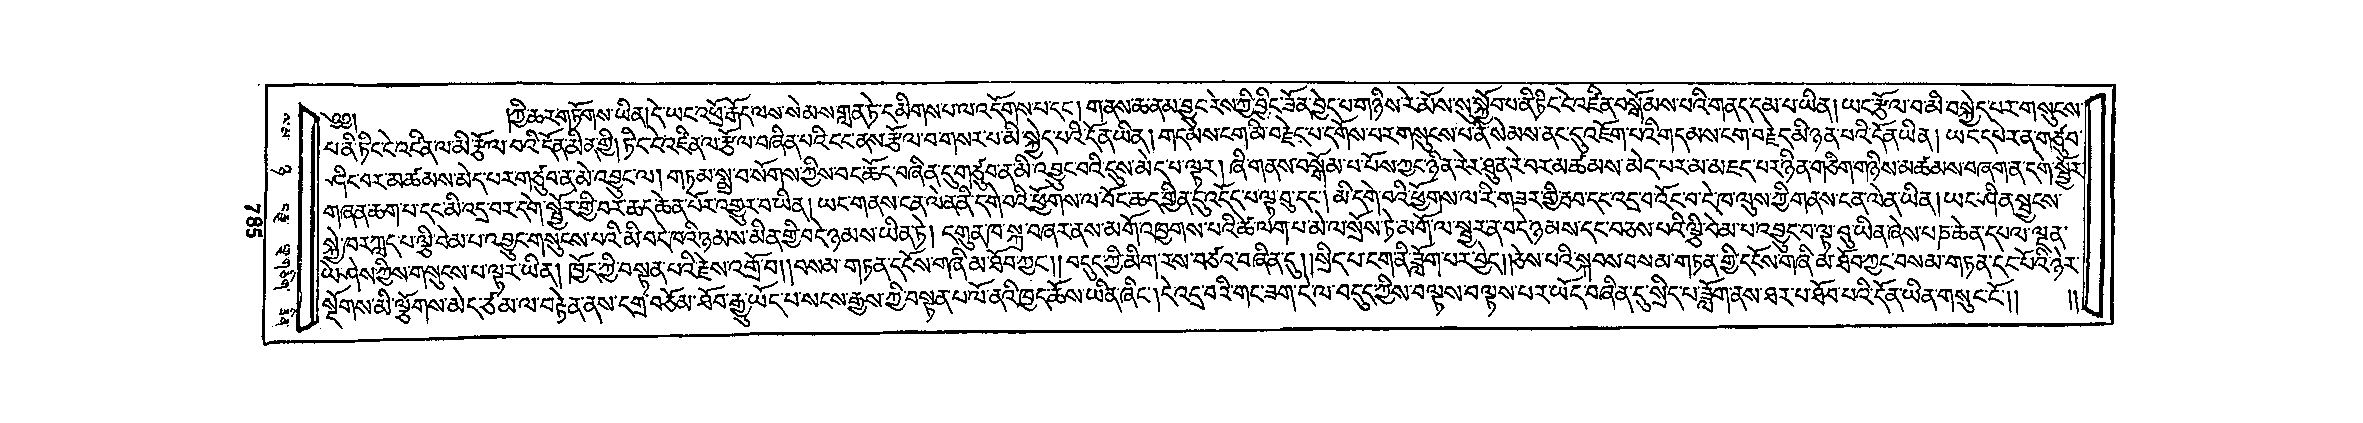༄༅། །ཀྱི་ཆར་གཏོགས་ཡིན། དེ་ཡང་འཕྲོ་རྒོད་ལས་སེམས་གླན་ཏེ་དམིགས་པ་ལ་འདོགས་པ་དང་། གནས་ཆ་ནམ་བྱུང་རེས་ཀྱི་བྱིང་ཟོན་བྱེད་པ་གཉིས་རེ་མོས་སུ་སྐྱོབ་པ་ནི་ཏིང་ངེ་འཛིན་བསྒོམས་པའི་གནད་དམ་པ་ཡིན། ཡང་རྩོལ་བ་མི་བསྐྱེད་པར་གསུངས་
པ་ནི་ཏིང་ངེ་འཛིན་ལ་མི་རྩོལ་བའི་དོན་མིན་གྱི། ཏིང་ངེ་འཛིན་ལ་རྩོལ་བཞིན་པའི་ངང་ནས་རྩོལ་བ་གསར་པ་མི་སྐྱེད་པའི་དོན་ཡིན། གདམས་ངག་མི་བརྗེད་པ་དགོས་པར་གསུངས་པ་ནི་སེམས་ནང་དུ་འཇོག་པའི་གདམས་ངག་བརྗེད་མི་ཉན་པའི་དོན་ཡིན། ཡང་དཔེར་ན་གཙུབ་
ཤིང་བར་མཚམས་མེད་པར་གཙུབ་ན་མེ་འབྱུང་ལ། གཏམ་སྨྲ་བ་སོགས་ཀྱིས་བང་ཆོད་བཞིན་དུ་གཙུབ་ན་མི་འབྱུང་བའི་དུས་མེད་པ་ལྟར། ཞི་གནས་བསྒོམ་པ་པོས་ཀྱང་ཉིན་རེར་ཐུན་རེ་བར་མཚམས་མེད་པར་མ་མཇད་པར་ཉིན་གཅིག་གཉིས་མཚམས་བཞག་ན་དགེ་སྦྱོར་
གཞན་ཆག་པ་དང་མི་འདྲ་བར་དགེ་སྦྱོར་གྱི་བར་ཆད་ཆེན་པོར་འགྱུར་བ་ཡིན། ཡང་གནས་ངན་ལེན་ནི་དགེ་བའི་ཕྱོགས་ལ་བོང་ཆད་གྱིན་དུ་འདོད་པ་ལྟ་བུ་དང་། མི་དགེ་བའི་ཕྱོགས་ལ་རི་གཟར་གྱི་རྦབ་དང་འདྲ་བ་འོང་བ་དེ་ཁ་ལུས་ཀྱི་གནས་ངན་ལེན་ཡིན། ཡང་ཤིན་སྦྱངས་
སྐྱེ་ཁར་ཀླད་པ་ལྕི་བེམ་པ་འབྱུང་གསུངས་པའི་མི་བདེ་ཁའི་ཉམས་མིན་གྱི་བདེ་ཉམས་ཡིན་ཏེ། དགུན་ཁ་སྐྲ་བཞར་ནས་མགོ་འཁྱགས་པའི་ཚེ་ལག་པ་མེ་ལ་སྲོས་ཏེ་མགོ་ལ་སྦྱར་ན་བདེ་ཉམས་དང་བཅས་པའི་ལྕི་བེམ་པ་འབྱུང་བ་ལྟ་བུ་ཡིན་ཞེས་པཎ་ཆེན་དཔལ་ལྡན་
ཡེ་ཤེས་ཀྱིས་གསུངས་པ་ལྟར་ཡིན། ཁྱོད་ཀྱི་བསྟན་པའི་རྗེས་འགྲོ་བ། བསམ་གཏན་དངོས་གཞི་མ་ཐོབ་ཀྱང་། །བདུད་ཀྱི་མིག་རས་བཙའ་བཞིན་དུ། །སྲིད་པ་ངག་ནི་ཟློག་པར་བྱེད། །ཅེས་པའི་སྐབས་བསམ་གཏན་གྱི་དངོས་གཞི་མ་ཐོབ་ཀྱང་བསམ་གཏན་དང་པོའི་ཉེར་
སྡོགས་མི་ལྕོགས་མེད་ཙམ་ལ་བརྟེན་ནས་དགྲ་བཅོམ་ཐོབ་རྒྱུ་ཡོད་པ་སངས་རྒྱས་ཀྱི་བསྟན་པ་ལོ་ནའི་ཁྱད་ཆོས་ཡིན་ཞིང་། དེ་འདྲ་བའི་གང་ཟག་དེ་ལ་བདུད་ཀྱིས་བལྟས་བལྟས་པར་ཡོད་བཞིན་དུ་སྲིད་པ་ཟློག་ནས་ཐར་པ་ཐོབ་པའི་དོན་ཡིན་གསུང་ངོ།། །།